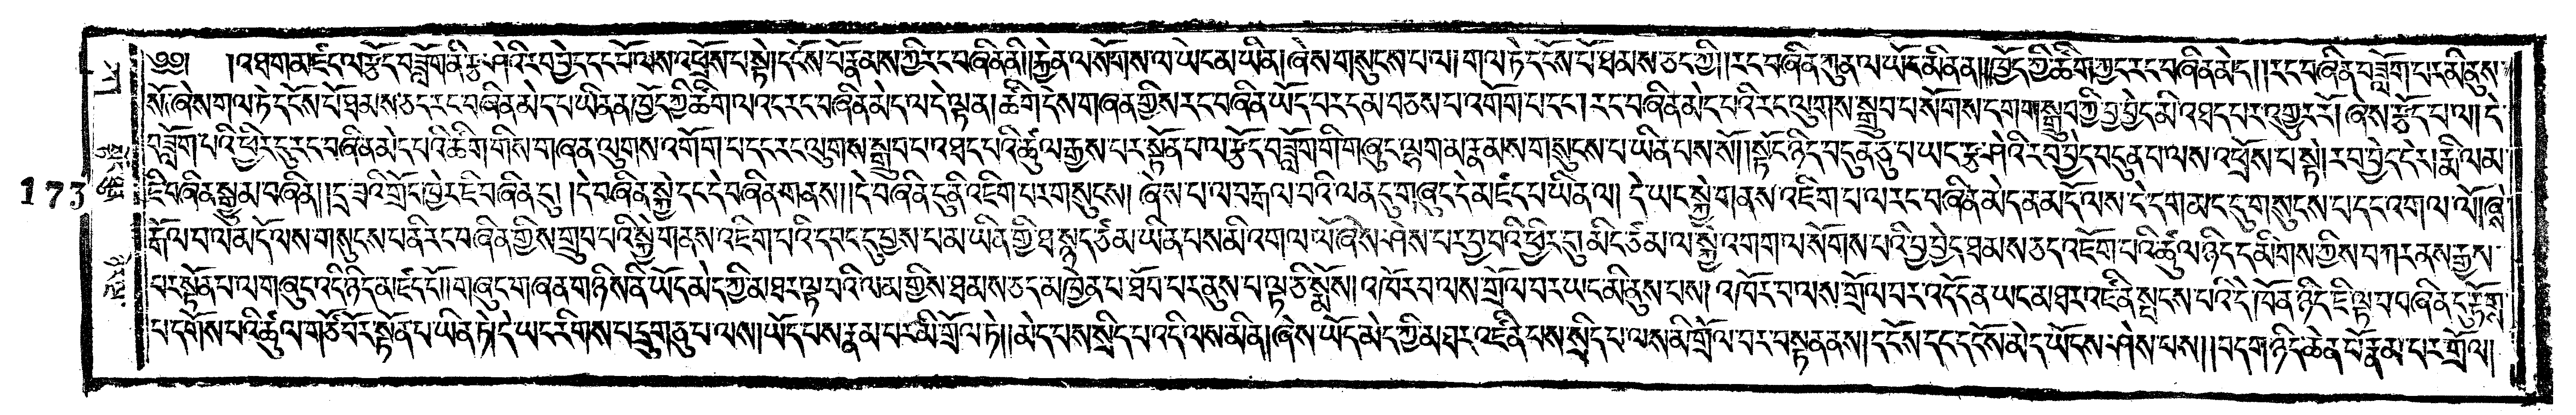༄༅། །འཐག་མཛད་ལ་རྩོད་བཟློག་ནི་རྩ་ཤེའི་རབ་བྱེད་དང་པོ་ལས་འཕྲོས་པ་སྟེ། དངོས་པོ་རྣམས་ཀྱི་རང་བཞིན་ནི། །རྐྱེན་ལ་སོགས་ལ་ཡོད་མ་ཡིན། ཞེས་གསུངས་པ་ལ། གལ་ཏེ་དངོས་པོ་ཐམས་ཅད་ཀྱི། །རང་བཞིན་ཀུན་ལ་ཡོང་མིན་ན། །ཁྱོད་ཀྱི་ཚིག་ཀྱང་རང་བཞིན་མེད། །རང་བཞིན་བཟློག་པར་མི་ནུས་
སོ༑ ཞེས་གལ་ཏེ་དངོས་པོ་ཐམས་ཅད་རང་བཞིན་མེད་པ་ཡིན་ན་ཁྱོད་ཀྱི་ཚིག་ལའང་རང་བཞིན་མེད་ལ་དེ་ལྟ་ན། ཚིག་དེས་གཞན་གྱིས་རང་བཞིན་ཡོད་པར་དམ་བཅས་པ་འགོག་པ་དང་། རང་བཞིན་མེད་པའི་རང་ལུགས་སྒྲུབ་པ་སོགས་དགག་སྒྲུབ་ཀྱི་བྱ་བྱེད་མི་འཐད་པར་འགྱུར་རོ། ཞེས་རྩོད་པ་ལ། དེ་
བཟློག་པའི་ཕྱིར་དུ་རང་བཞིན་མེད་པའི་ཚིག་གིས་གཞན་ལུགས་འགོག་པ་དང་རང་ལུགས་སྒྲུབ་པ་འཐད་པའི་ཚུལ་རྒྱས་པར་སྟོན་པ་ལ་རྩོད་བཟློག་གི་གཞུང་ལྷག་མ་རྣམས་གསུངས་པ་ཡིན་པས་སོ། །སྟོང་ཉིད་བདུན་ཅུ་པ་ཡང་རྩ་ཤེའི་རབ་བྱེད་བདུན་པ་ལས་འཕྲོས་པ་སྟེ། རབ་བྱེད་དེར། རྨི་ལམ་
ཇི་བཞིན་སྒྱུ་མ་བཞིན། །དྲ་ཟའི་གྲོང་ཁྱེར་ཇི་བཞིན་དུ། །དེ་བཞིན་སྐྱེ་དང་དེ་བཞིན་གནས། །དེ་བཞིན་དུ་ནི་འཇིག་པར་གསུངས། ཞེས་པ་ལ་བརྒལ་བའི་ལན་དུ་གཞུང་དེ་མཛད་པ་ཡིན་ལ། དེ་ཡང་སྐྱེ་གནས་འཇིག་པ་ལ་རང་བཞིན་མེད་ན་མདོ་ལས་དེ་དག་མང་དུ་གསུངས་པ་དང་འགལ་ལོ། ཞས་
རྒོལ་བ་ལ་མདོ་ལས་གསུངས་པ་ནི་རང་བཞིན་གྱིས་གྲུབ་པའི་སྐྱེ་གནས་འཇིག་པའི་དབང་དུ་བྱས་པ་མ་ཡིན་གྱི་ཐ་སྙད་ཙམ་ཡིན་པས་མི་འགལ་ལོ་ཞེས་ཤེས་པར་བྱ་བའི་ཕྱིར་དུ། མིང་ཙམ་ལ་སྐྱེ་འགག་ལ་སོགས་པའི་བྱ་བྱེད་ཐམས་ཅད་འཇོག་པའི་ཚུལ་ཉིད་དམིགས་ཀྱིས་བཀར་ནས་རྒྱས་
པར་སྟོན་པ་ལ་གཞུང་འདི་ཉིད་མཛད་དོ། །གཞུང་གཞན་གཉིས་ནི་ཡོད་མེད་ཀྱི་མཐར་ལྟ་བའི་ལམ་གྱིས་ཐམས་ཅད་མཁྱེན་པ་ཐོབ་པར་ནུས་པ་ལྟ་ཅི་སྨོས། འཁོར་བ་ལས་གྲོལ་བར་ཡང་མི་ནུས་པས། འཁོར་བ་ལས་གྲོལ་བར་འདོད་ན་ཡང་མཐར་འཛིན་སྤངས་པའི་དེ་ཁོ་ན་ཉིད་ཇི་ལྟ་བ་བཞིན་དུ་རྟོགས་
པ་དགོས་པའི་ཚུལ་གཙོ་བོར་སྟོན་པ་ཡིན་ཏེ། དེ་ཡང་རིགས་པ་དྲུག་ཅུ་པ་ལས། ཡོད་པས་རྣམ་པར་མི་གྲོལ་ཏེ། །མེད་པས་སྲིད་པ་འདི་ལས་མིན། ཞེས་ཡོད་མེད་ཀྱི་མཐར་འཛིན་པས་སྲིད་པ་ལས་མི་གྲོལ་བར་བསྟན་ནས། དངོས་དང་དངོས་མེད་ཡོངས་ཤེས་པས། །བདག་ཉིད་ཆེན་པོ་རྣམ་པར་གྲོལ།